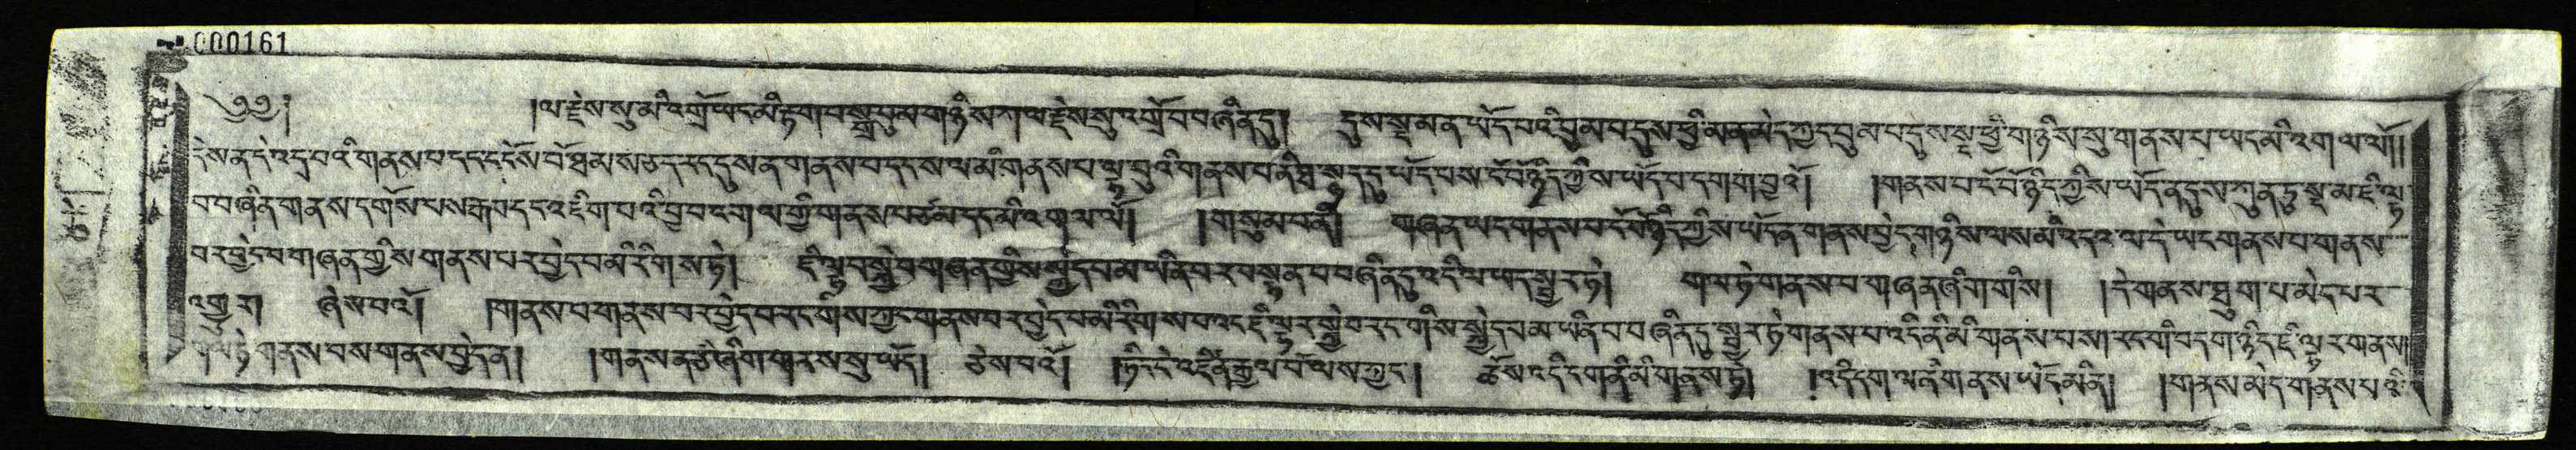༄༅། །ལ་རྗེས་སུ་མི་འགྲོ་ཡང་མི་རྟག་པ་སྒྲ་བུམ་གཉིས་ཀ་ལ་རྗེས་སུ་འགྲོ་བ་བཞིན་དུ། དུས་སྔ་མ་ན་ཡོད་པའི་བུམ་པ་དུས་ཕྱི་མན་མེད་ཀྱང་བུམ་པ་དུས་སྔ་ཕྱི་གཉིས་སུ་གནས་པ་ཡང་མི་འགལ་ལོ།།
དེས་ན་དེ་འདྲ་བའི་གནས་པ་དང་དངོས་པོ་ཐམས་ཅད་རང་དུས་ན་གནས་པ་དང་ས་ལ་མི་གནས་པ་ལྟ་བུའི་གནས་པ་ནི་ཐ་སྙད་དུ་ཡོད་པས་ངོ་བོ་ཉིད་ཀྱིས་ཡོད་པ་དགག་བྱའོ། །གནས་པ་ངོ་བོ་ཉིད་ཀྱིས་ཡོད་ན་དུས་ཀུན་ཏུ་སྔ་མ་ཇི་ལྟ་
བ་བཞིན་གནས་དགོས་པས་རྒབ་དང་འཇིག་པའི་བྱ་བ་འགལ་གྱི་གནས་པ་ཙམ་དང་མི་འགལ་ལོ། །གསུམ་པ་ནི། གཞན་ཡང་གནས་པ་ངོ་བོ་ཉིད་ཀྱིས་ཡོད་ན་གནས་བྱེད་གཉིས་ལས་མི་འདའ་ལ་དེ་ཡང་གནས་པ་གནས་
པར་བྱེད་པ་གཞན་གྱིས་གནས་པར་བྱེད་པ་མི་རིགས་ཏེ། ཇི་ལྟ་བ་སྐྱེ་བ་གཞན་གྱིས་སྐྱེད་པ་མ་ཡིན་པར་བསྟན་པ་བཞིན་དུ་འདི་ལ་ཡང་སྦྱར་ཏེ། གལ་ཏེ་གནས་པ་གཞན་ཞིག་གིས། །དེ་གནས་ཐུག་པ་མེད་པར་
འགྱུར། ཞེས་པའོ། །གནས་པ་གནས་པར་བྱེད་པ་རང་གིས་ཀྱང་གནས་པར་བྱེད་པ་མི་རིགས་པའང་ཇི་ལྟར་སྐྱེ་བ་རང་གིས་སྐྱེད་པ་མ་ཡིན་པ་བཞིན་དུ་སྦྱར་ཏེ་གནས་པ་འདི་ནི་མི་གནས་པས། རང་གི་བདག་ཉིད་ཇི་ལྟར་གནས།
གལ་ཏེ་གནས་པས་གནས་བྱེད་ན། །གནས་ན་ཅི་ཞིག་གནས་སུ་ཡོད། ཅེས་པའོ། །ཏིང་ངེ་འཛིན་རྒྱལ་པོ་ལས་ཀྱང་། ཆོས་འདི་དག་ནི་མི་གནས་ཏེ། །འདི་དག་ལ་ནི་གནས་ཡོད་མིན། །གནས་མེད་གནས་པའི་